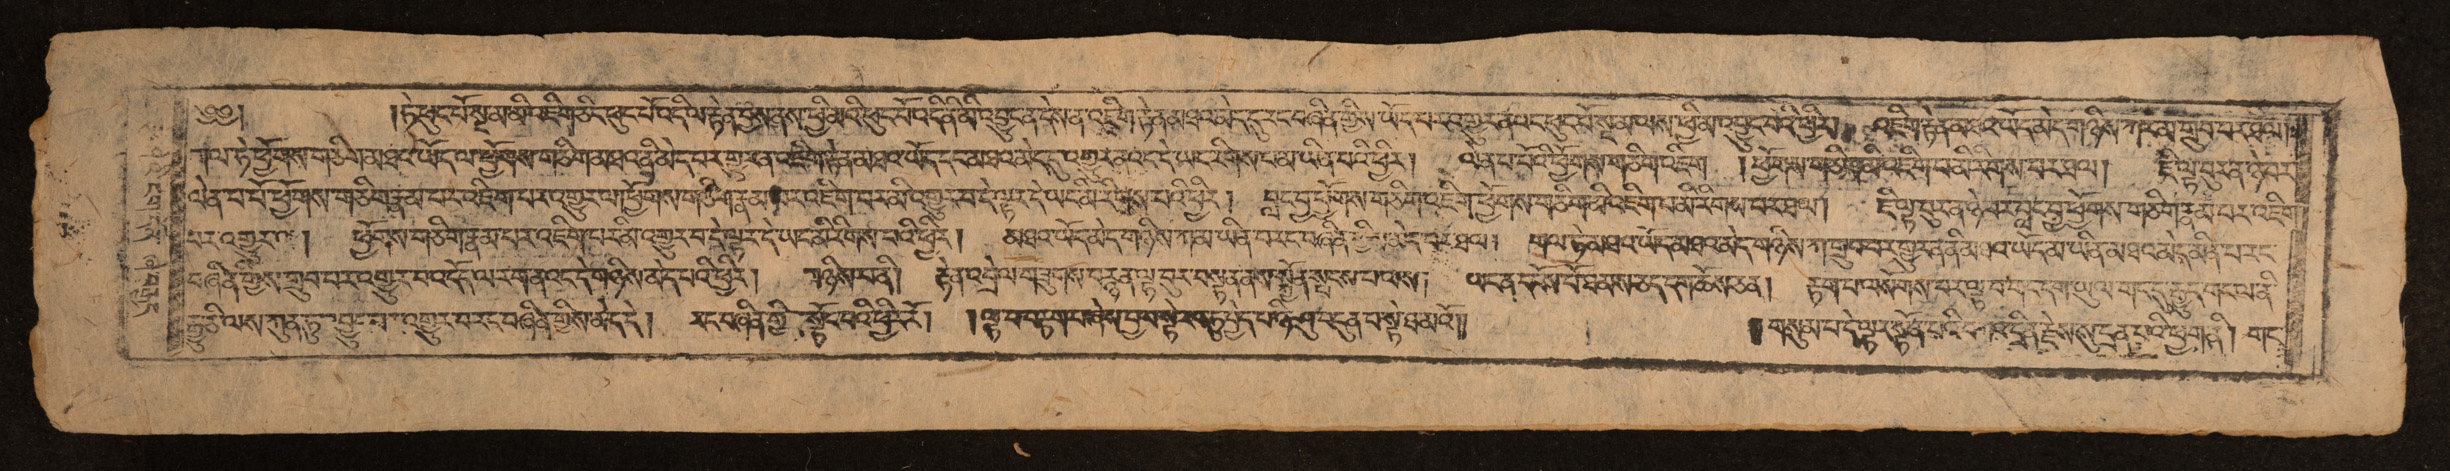༄༅། །ཏེ་ཕུང་པོ་སྔ་མ་མི་འཇིག་ཅིང་ཕུང་པོ་འདི་ལ་རྟེན་བྱས་ནས་ཕྱི་མའི་ཕུང་པོ་འདི་ནི་མི་འབྱུང་ན་དེས་ན་འཇིག་རྟེན་མཐའ་མེད་དུ་རང་བཞིན་གྱིས་ཡོད་པར་འགྱུར་ནའང་ཕུང་པོ་སྔ་མ་ལས་ཕྱི་མ་འབྱུང་བའི་ཕྱིར། འཇིག་རྟེན་མཐའ་ཡོད་མེད་གཉིས་ཀར་མ་གྲུབ་པར་ཐལ།
གལ་ཏེ་ཕྱོགས་གཅིག་མཐའ་ཡོད་ལ་ཕྱོགས་གཅིག་མཐའ་ནི་མེད་པར་གྱུར་ན་འཇིག་རྟེན་མཐའ་ཡོད་དང་མཐའ་མེད་དུ་འགྱུར་ནའང་དེ་ཡང་རིགས་པ་མ་ཡིན་པའི་ཕྱིར། ལེན་པ་པོའི་ཕྱོགས་གཅིག་འཇིག །ཕྱོགས་གཅིག་མི་འཇིག་པ་མི་རིགས་པར་ཐལ། ཇི་ལྟ་བུར་ན་ཉེ་བར་
ལེན་པ་པོ་ཕྱོགས་གཅིག་རྣམ་པར་འཇིག་པར་འགྱུར་ལ། ཕྱོགས་གཅིག་རྣམ་པར་འཇིག་པར་མི་འགྱུར་བ་དེ་ལྟར་དེ་ཡང་མི་རིགས་པའི་ཕྱིར། བླང་བྱ་ཕྱོགས་གཅིག་འཇིག་ཕྱོགས་གཅིག་མི་འཇིག་པ་མི་རིགས་པར་ཐལ། ཇི་ལྟ་བུར་ན་ཉེ་བར་བླང་བྱ་ཕྱོགས་གཅིག་རྣམ་པར་འཇིག་
པར་འགྱུར་ལ། ཕྱོགས་གཅིག་རྣམ་པར་འཇིག་པར་མི་འགྱུར་བ་དེ་ལྟར་དེ་ཡང་མི་རིགས་པའི་ཕྱིར། མཐའ་ཡོད་མེད་གཉིས་ཀ་མ་ཡིན་པ་རང་བཞིན་གྱིས་མེད་པར་ཐལ། གལ་ཏེ་མཐའ་ཡོད་མཐའ་མེད་གཉིས་ཀ་གྲུབ་པར་གྱུར་ན་ནི་མཐའ་ཡོད་མ་ཡིན་མཐའ་མེད་མིན་པ་རང་
བཞིན་གྱིས་གྲུབ་པར་འགྱུར་བ་འདོད་ལ་རག་ནའང་དེ་གཉིས་མེད་པའི་ཕྱིར། གཉིས་པ་ནི། རྟེན་འབྲེལ་གཟུགས་བརྙན་ལྟ་བུར་བསྟན་ནས་སྐྱོན་སྤངས་པ་ལས༑ ཡང་ན་དངོས་པོ་ཐམས་ཅད་དག་ཆོས་ཅན། རྟག་པ་ལ་སོགས་པར་ལྟ་བ་གང་དག་ཡུལ་གང་དུ་རྒྱུད་གང་ལ་ནི་
རྒྱུ་ཅི་ལས་ཀུན་ཏུ་འབྱུང་བར་འགྱུར་བ་རང་བཞིན་གྱིས་མེད་དེ། རང་བཞིན་གྱིས་སྟོང་བའི་ཕྱིར་རོ། །ལྟ་བ་བརྟག་པ་ཞེས་བྱ་བ་སྟེ་རབ་ཏུ་བྱེད་པ་ཉི་ཤུ་བདུན་པ་སྟེ་ཐ་མའོ།། །།གསུམ་པ་དེ་ལྟར་སྟོན་པའི་བཀའ་དྲིན་རྗེས་སུ་དྲན་པའི་ཕྱག་ནི། གང་